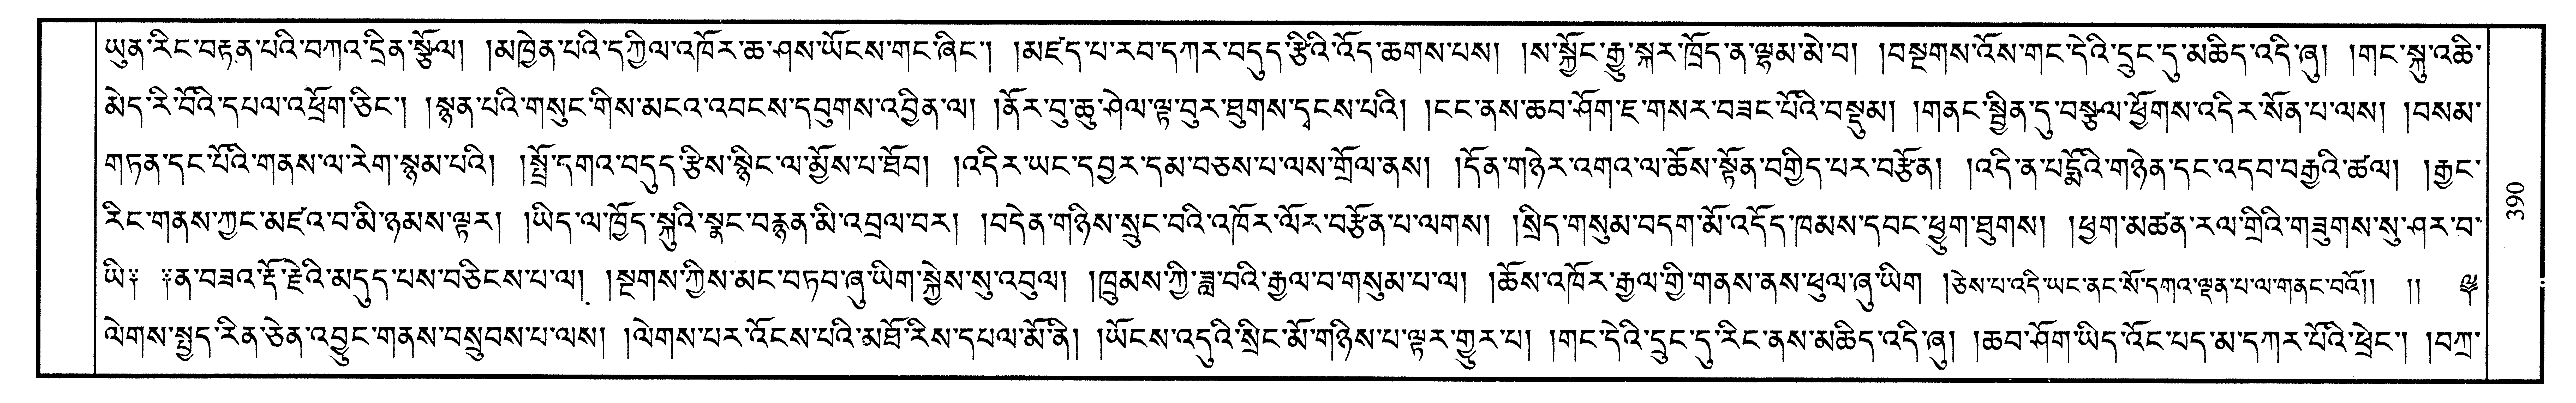ཡུན་རིང་བརྟན་པའི་བཀའ་དྲིན་སྩོལ། །མཁྱེན་པའི་དཀྱིལ་འཁོར་ཆ་ཤས་ཡོངས་གང་ཞིང་། །མཛད་པ་རབ་དཀར་བདུད་རྩིའི་འོད་ཆགས་པས། །ས་སྐྱོང་རྒྱུར་སྐར་ཁྲོད་ནས་ལྷམ་མེ་བ། །བསྔགས་འོས་གང་དེའི་དྲུང་དུ་མཆིད་འདི་ཞུ། །གང་སྐུ་འཆི་
མེད་རི་བོའི་དཔལ་འཕྲོག་ཅིང་། །སྙན་པའི་གསུང་གིས་མངའ་འབངས་དབུགས་འབྱིན་ལ། །ནོར་བུ་ཆུ་ཤེལ་ལྟ་བུར་ཐུགས་དྭངས་པའི། །ངང་ནས་ཆབ་ཤོག་ཇ་གསར་བཟང་པོའི་བསྡུམ། །གནང་སྦྱིན་དུ་བསྩལ་ཕྱོགས་འདིར་སོན་པ་ལས། །བསམ་
གཏན་དང་པོའི་གནས་ལ་རེག་སྙམ་པའི། །སྤྲོ་དགའ་བདུད་རྩིས་སྙིང་ལ་མྱོས་པ་ཐོབ། །འདིར་ཡང་དབྱར་དམ་བཅས་པ་ལས་གྲོལ་ནས། །དོན་གཉེར་འགའ་ལ་ཆོས་སྟོན་བགྱིད་པར་བརྩོན། །འདི་ན་པདམོའི་གཉེན་དང་འདབ་བརྒྱའི་ཚལ། །རྒྱང་
རིང་གནས་ཀྱང་མཛའ་བ་མི་ཉམས་ལྟར། །ཡིད་ལ་ཁྱོད་སྐུའི་སྣང་བརྙན་མི་འབྲལ་བར། །བདེན་གཉིས་སྲུང་བའི་འཁོར་ལོར་བརྩོན་པ་ལགས། །སྲིད་གསུམ་བདག་མོ་འདོད་ཁམས་དབང་ཕྱུག་ཐུགས། །ཕྱག་མཚན་རལ་གྲིའི་གཟུགས་སུ་ཤར་བ་
ཡི༑ ༑ན་བཟའ་རྡོ་རྗེའི་མདུད་པས་བཅིངས་པ་ལ། །སྔགས་ཀྱིས་མང་བཏབ་ཞུ་ཡིག་སྐྱེས་སུ་འབུལ། །ཁྲུམས་ཀྱི་ཟླ་བའི་རྒྱལ་བ་གསུམ་པ་ལ། །ཆོས་འཁོར་རྒྱལ་གྱི་གནས་ནས་ཕུལ་ཞུ་ཡིག །ཅེས་པ་འདི་ཡང་ནང་སོ་དགའ་ལྡན་པ་ལ་གནང་བའོ།། །། ༈
ལེགས་སྤྱད་རིན་ཅེན་འབྱུང་གནས་བསྲུབས་པ་ལས། །ལེགས་པར་འོངས་པའི་མཐོ་རིས་དཔལ་མོ་ནི། །ཡོངས་འདུའི་སྲིང་མོ་གཉིས་པ་ལྟར་གྱུར་པ། །གང་དེའི་དྲུང་དུ་རིང་ནས་མཆིད་འདི་ཞུ། །ཆབ་ཤོག་ཡིད་འོང་པད་མ་དཀར་པོའི་ཕྲེང་། །བཀྲ་